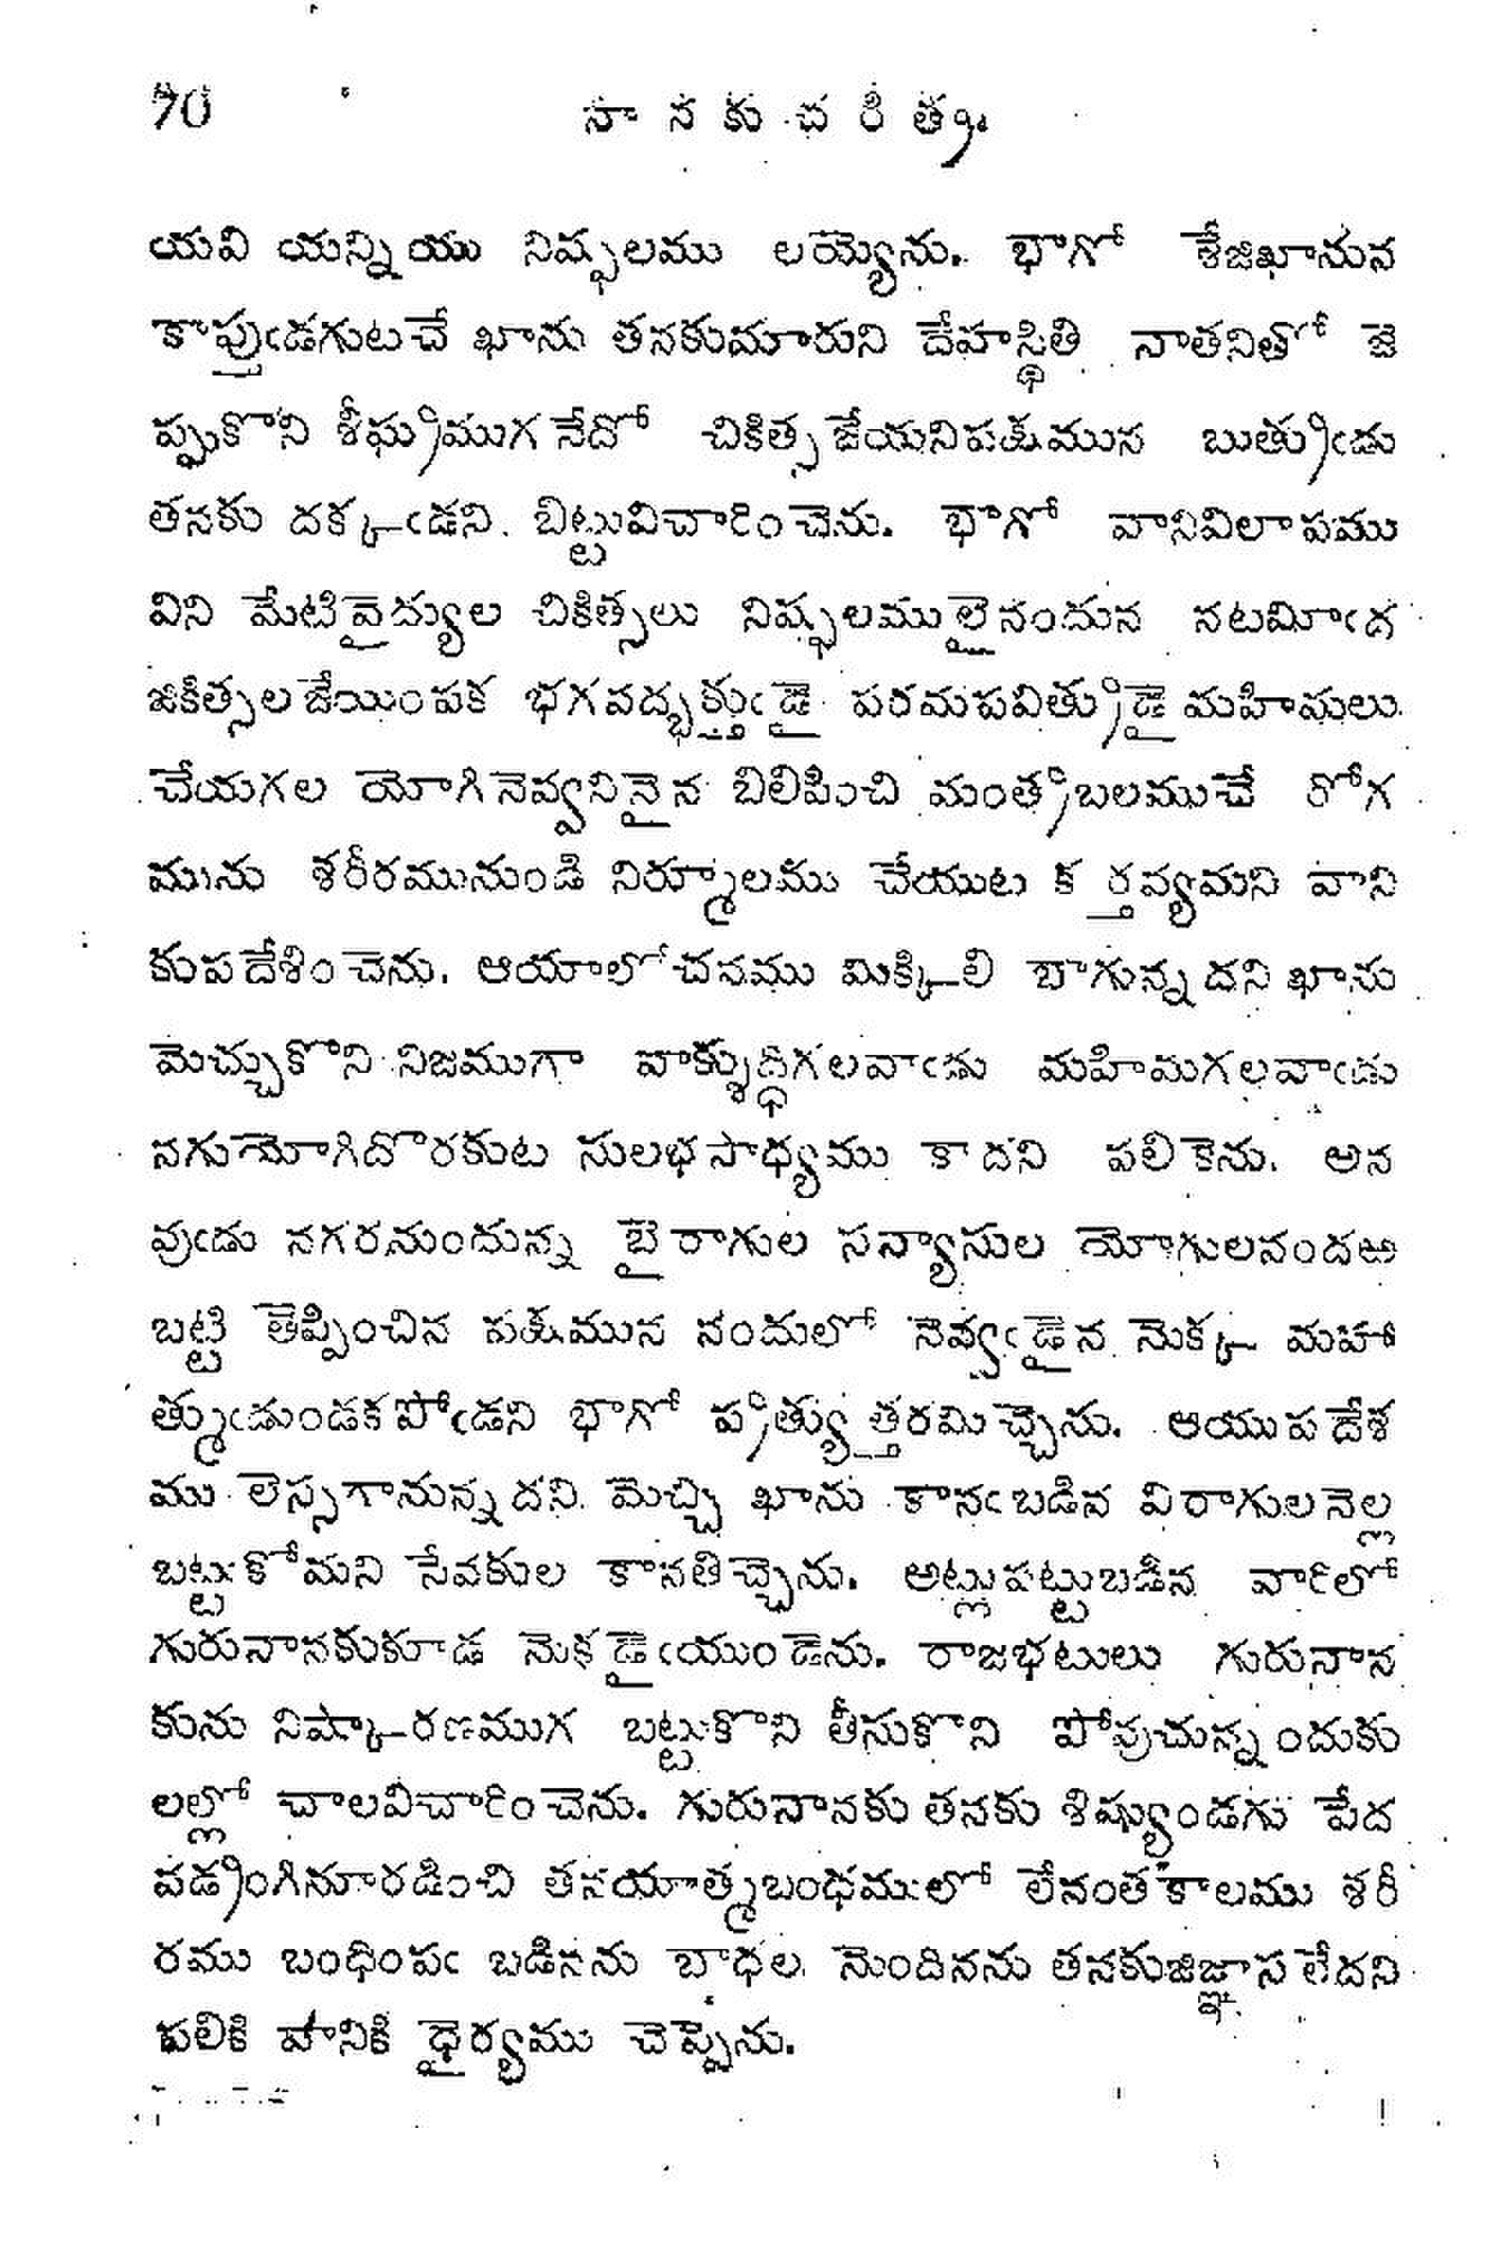యవి యన్నియు నిష్ఫలము లయ్యెను. భాగో శేజిఖానున కాప్తుడగుటచే ఖాను తనకుమారుని దేహస్థితి నాతనితో జెప్పుకొని శీఘ్రముగ నేదో చికిత్సజేయనిపక్షమున బుత్రుడు తనకు దక్కడని బిట్టువిచారించెను. భాగో వానివిలాపము విని మేటివైద్యుల చికిత్సలు నిష్ఫలములైనందున నటమీద జికిత్సల జేయింపక భగవద్భక్తుడై పరమపవిత్రుడై మహిమలు చేయగల యోగినెవ్వనినైన బిలిపించి మంత్రబలముచే రోగమును శరీరమునుండి నిర్మూలము చేయుట కర్తవ్యమని వాని కుపదేశించెను. ఆయాలోచనము మిక్కిలి బాగున్నదని ఖాను మెచ్చుకొని నిజముగా వాక్శుద్ధిగలవాడు మహిమగలవాడు నగుయోగిదొరకుట సులభసాధ్యము కాదని పలికెను. అనవుడు నగరనుందున్న బైరాగుల సన్యాసుల యోగులనందఱ బట్టి తెప్పించిన పక్షమున నందులో నెవ్వడైన నొక్క మహాత్ముడుండకపోడని భాగో ప్రత్యుత్తరమిచ్చెను. ఆయుపదేశము లెస్సగానున్నదని మెచ్చి ఖాను కానబడిన విరాగులనెల్ల బట్టుకోమని సేవకుల కానతిచ్చెను. అట్లుపట్టుపడిన వారిలో గురునానకుకూడ నొకడైయుండెను. రాజభటులు గురునానకును నిష్కారణముగ బట్టుకొని తీసుకొని పోవుచున్నందుకు లల్లో చాలవిచారించెను. గురునానకు తనకు శిష్యుండగు పేద వడ్రంగినూరడించి తనయాత్మబంధములో లేనంతకాలము శరీరము బంధింప బడినను బాధల నొందినను తనకుజిజ్ఞాసలేదని పలికి వానికి ధైర్యము చెప్పెను.